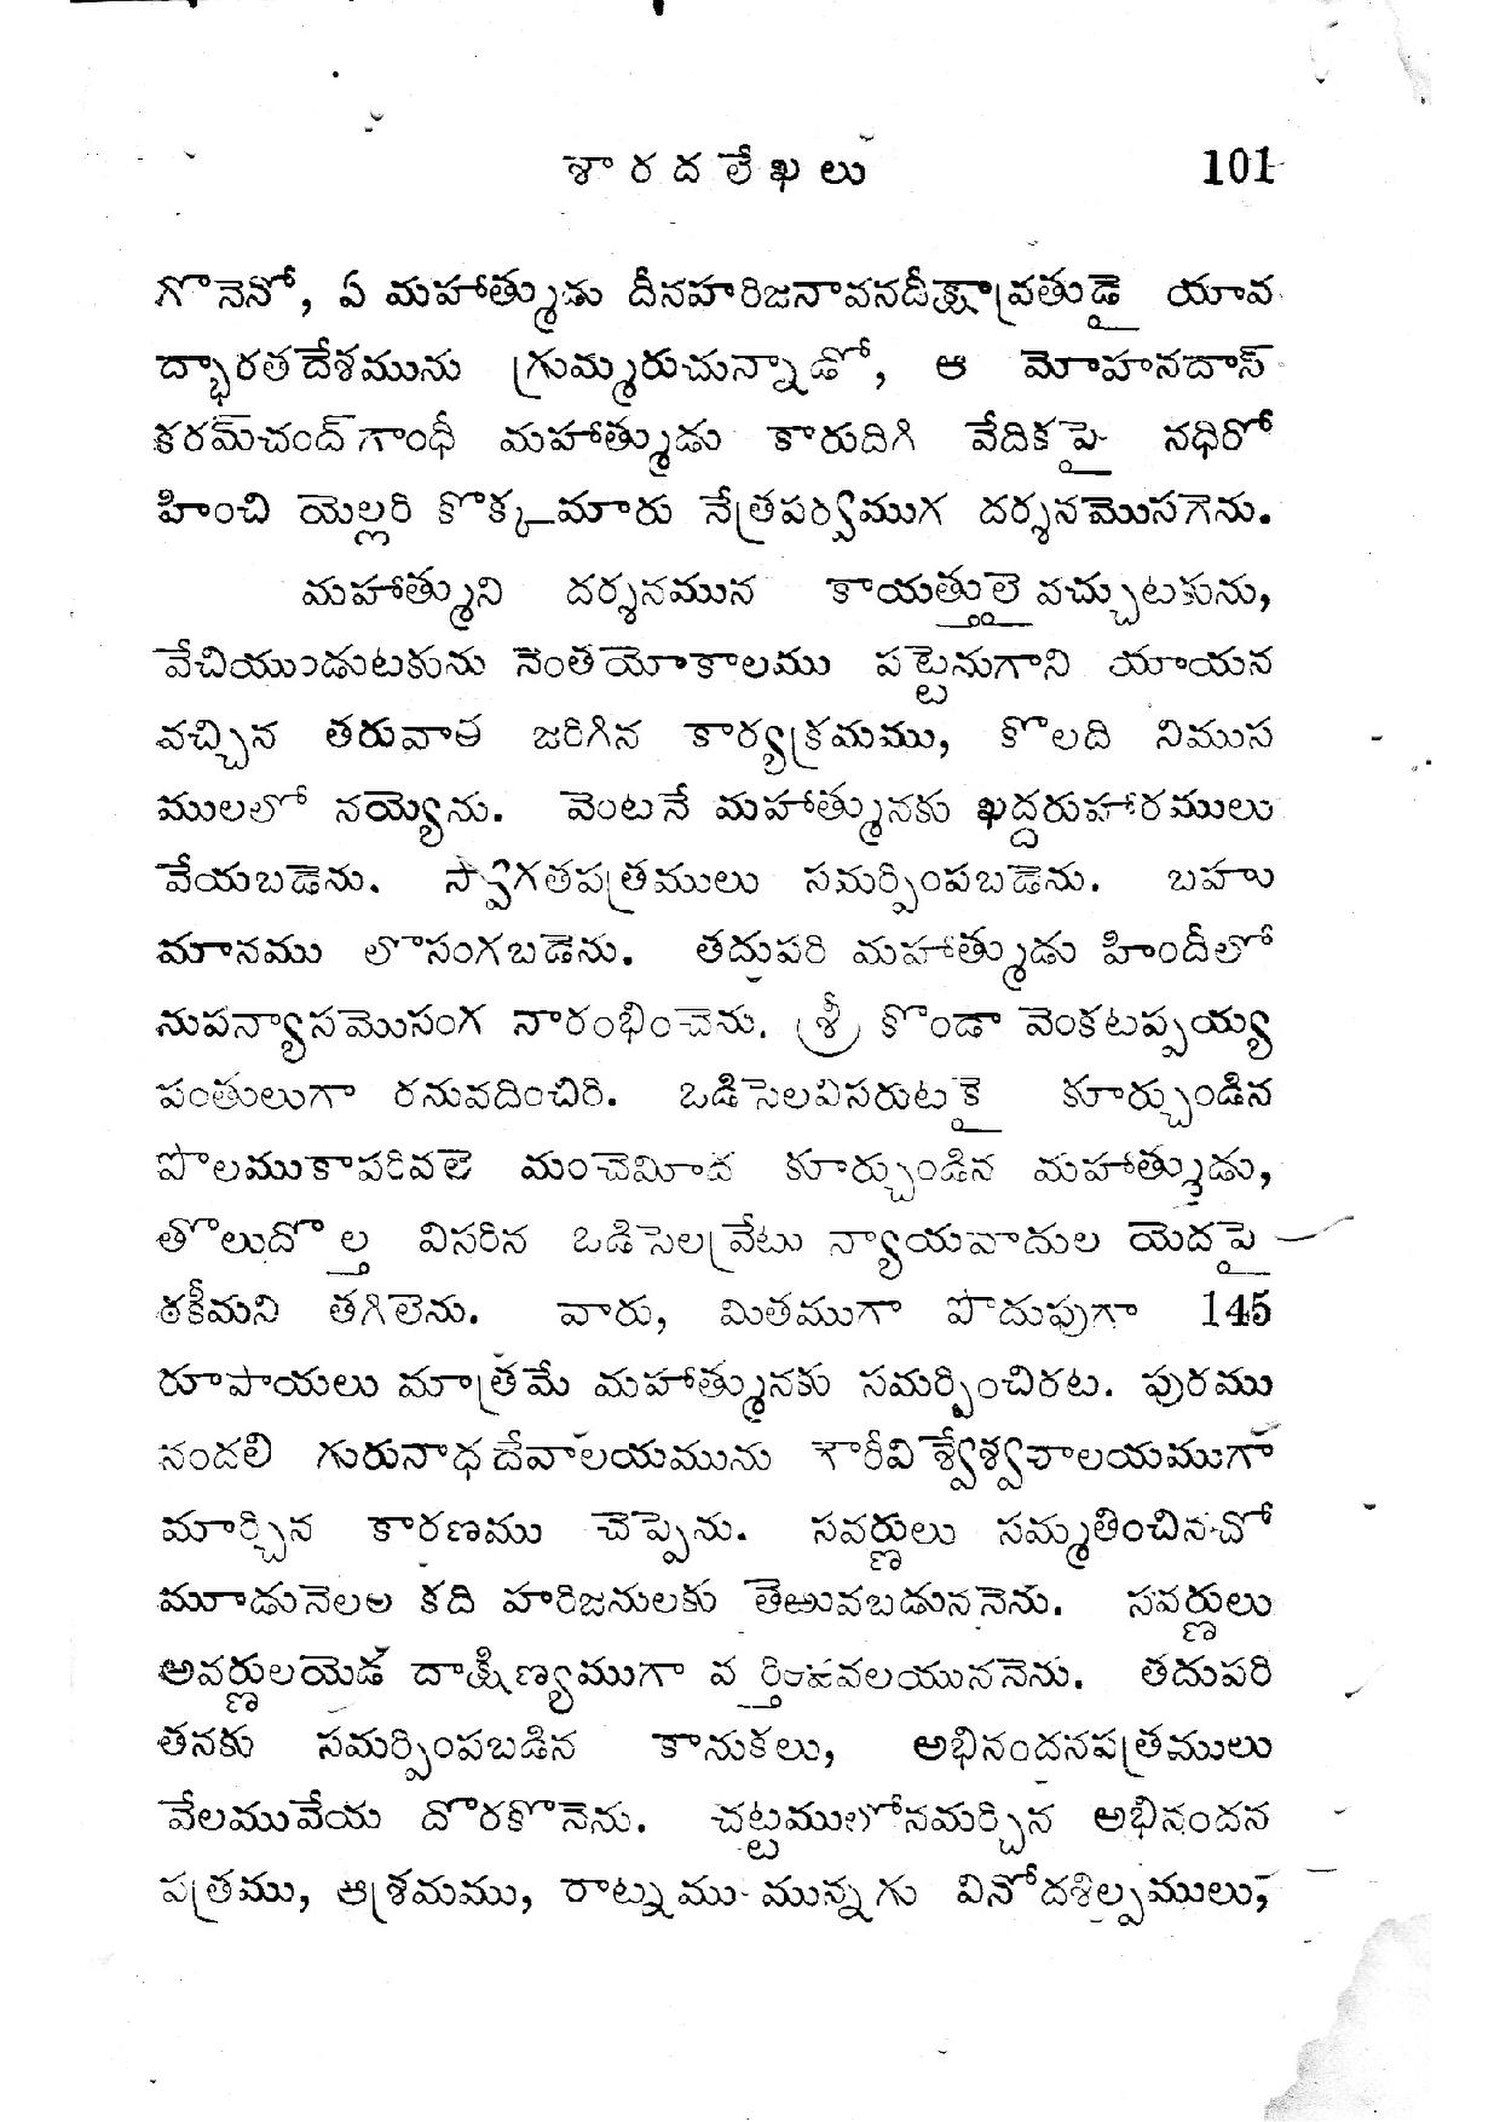గొనెనో, ఏ మహాత్ముడు దీనహరిజనావనదీక్షా వ్రతుడై యావ
ద్భారతదేశమును గ్రుమ్మరుచున్నాడో, ఆ మోహనదాస్
కరమ్చంద్ గాంధీ మహాత్ముడు కారు దిగి వేదికపై నధిరో
హించి యెల్లరి కొక్కమారు నేత్రపర్వముగ దర్శనమొసగెను.

మహాత్ముని దర్శనమున కాయత్తులై వచ్చుటకును,
వేచియుండుటకును నెంతయోకాలము పట్టెనుగాని యాయన
వచ్చిన తరువాత జరిగిన కార్యక్రమము, కొలది నిముస
ములలో నయ్యెను. వెంటనే మహాత్మునకు ఖద్దరు హారములు
వేయబడెను. స్వాగతపత్రములు సమర్పింపబడ్డాను. బహు
మానము లొసంగబడెను. తదుపరి మహాత్ముడు హిందీలో
నుపన్యాసమొసంగ నారంభించెను. శ్రీ కొండా వెంకటప్పయ్య
పంతులుగా రనువదించిరి. ఒడి సెల విసరుటకై కూర్చుండిన
పొలముకాపరివలె మంచె మీద కూర్చుండిన మహాత్ముడు,
తొలుదొల్త విసరిన ఒడి సెలవ్రేటు న్యాయవాదుల యెదపై
ఠకీమని తగిలెను. వారు, మితముగా పొదుపుగా 145
రూపాయలు మాత్రమే మహాత్మునకు సమర్పించిరట. పురము
నందలి గురునాధ దేవాలయమును గౌరీవిశ్వేశ్వరాలయముగా
మార్చిన కారణము చెప్పెను. సవర్ణులు సమ్మతించినచో
మూడునెలల కది హరిజనులకు తెఱువబడుననెను. సవర్ణులు
అవర్ణులయెడ దాక్షిణ్యముగా వర్తించవలయుననెను. తదుపరి
తనకు సమర్పింపబడిన కానుకలు, అభినందనపత్రములు
వేలమువేయ దొరకొనెను. చట్టములోనమర్చిన అభినందన
పత్రము, ఆశ్రమము, రాట్నము మున్నగు వినోదశిల్పములు,